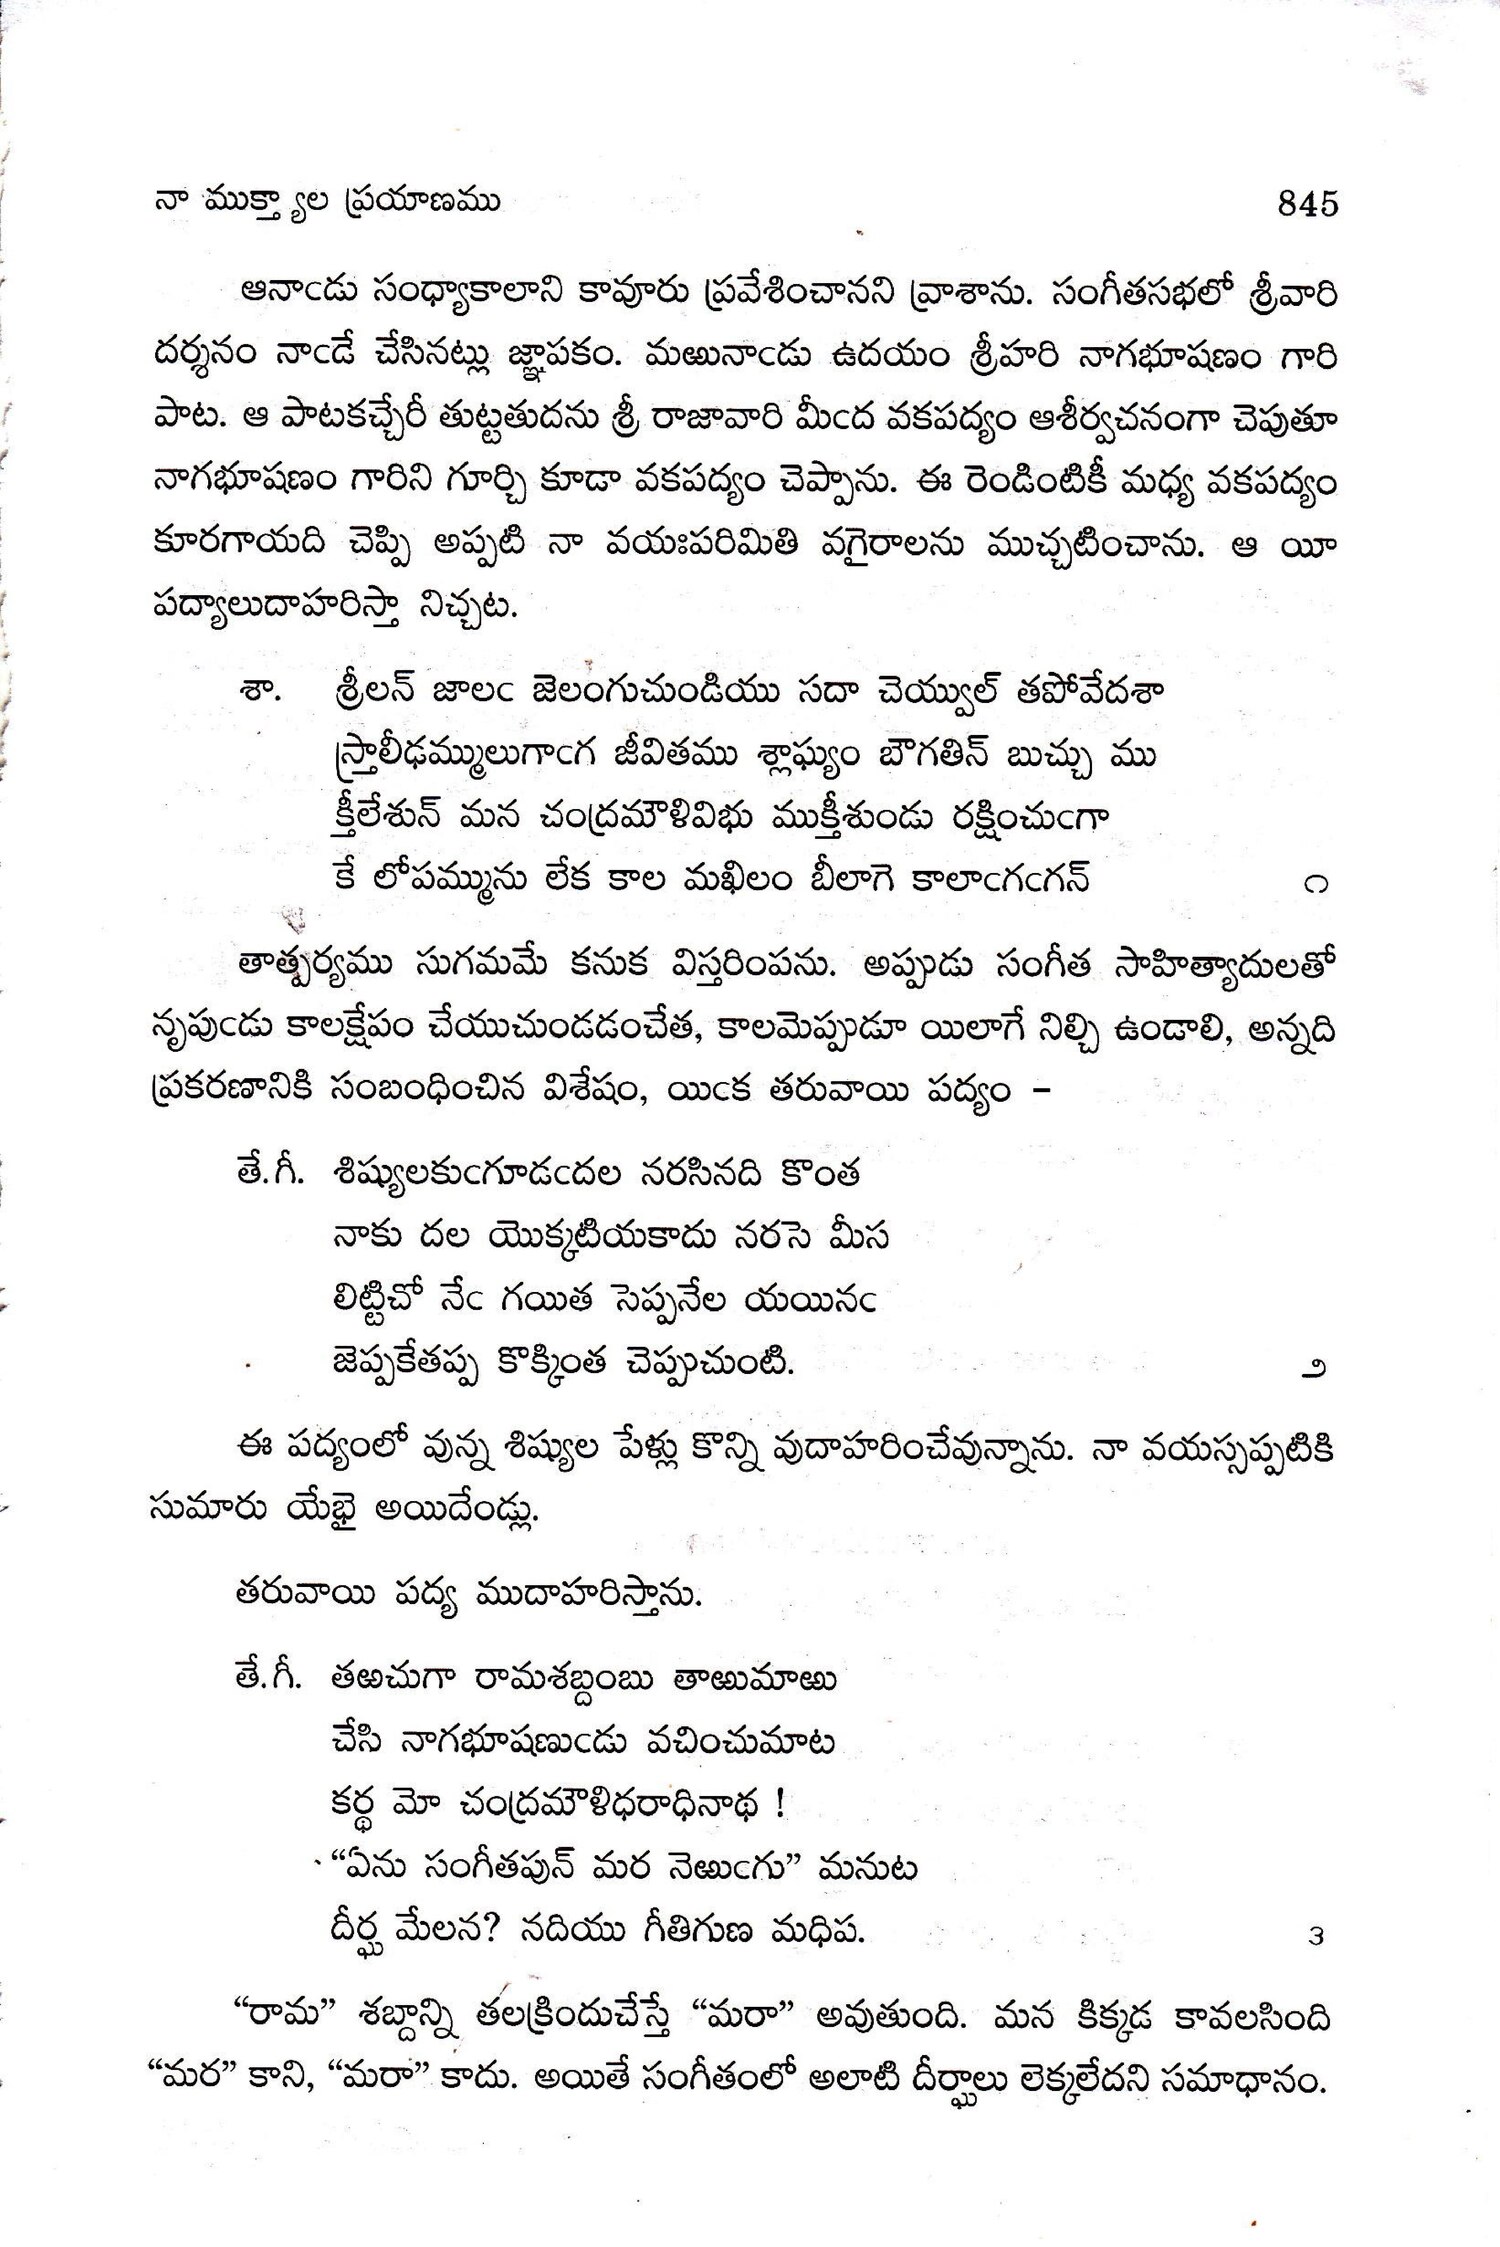ఆనాఁడు సంధ్యాకాలాని కావూరు ప్రవేశించానని వ్రాశాను. సంగీతసభలో శ్రీవారి దర్శనం నాఁడే చేసినట్లు జ్ఞాపకం. మఱునాఁడు ఉదయం శ్రీహరి నాగభూషణం గారి పాట. ఆ పాటకచ్చేరీ తుట్టతుదను శ్రీ రాజావారి మీఁద వకపద్యం ఆశీర్వచనంగా చెపుతూ నాగభూషణం గారిని గూర్చి కూడా వకపద్యం చెప్పాను. ఈ రెండింటికీ మధ్య వకపద్యం కూరగాయది చెప్పి అప్పటి నా వయఃపరిమితి వగైరాలను ముచ్చటించాను. ఆ యీ పద్యాలుదాహరిస్తా నిచ్చట.

శా. శ్రీలన్ జాలఁ జెలంగుచుండియు సదా చెయ్వుల్ తపోవేదశా
 స్త్రాలీఢమ్ములుగాఁగ జీవితము శ్లాఘ్యం బౌగతిన్ బుచ్చు ము
 క్తీలేశున్ మన చంద్రమౌళివిభు ముక్తీశుండు రక్షించుఁగా 
 కే లోపమ్మును లేక కాల మఖిలం బీలాగె కాలాఁగఁగన్ - 1
తాత్పర్యము సుగమమే కనుక విస్తరింపను. అప్పుడు సంగీత సాహిత్యాదులతో నృపుఁడు కాలక్షేపం చేయుచుండడంచేత, కాలమెప్పుడూ యిలాగే నిల్చి ఉండాలి, అన్నది ప్రకరణానికి సంబంధించిన విశేషం, యిఁక తరువాయి పద్యం -

తే.గీ. శిష్యులకుఁగూడcదల నరసినది కొంత
 నాకు దల యొక్కటియకాదు నరసె మీస 
 లిట్టిచో నేఁ గయిత సెప్పనేల యయినఁ 
 జెప్పకేతప్ప కొక్కింత చెప్పుచుంటి. - 2
ఈ పద్యంలో వున్న శిష్యుల పేళ్లు కొన్ని వుదాహరించేవున్నాను. నా వయస్సప్పటికి సుమారు యేభై అయిదేండ్లు.

తరువాయి పద్య ముదాహరిస్తాను.

తే.గీ. తఱచుగా రామశబ్దంబు తాఱుమాఱు 
 చేసి నాగభూషణుఁడు వచించుమాట 
 కర్థ మో చంద్రమౌళిధరాధినాథ !
 “ఏను సంగీతపున్ మర నెఱుఁగు" మనుట 
 దీర్ఘ మేలన? నదియు గీతిగుణ మధిప. - 3
“రామ" శబ్దాన్ని తలక్రిందుచేస్తే “మరా” అవుతుంది. మన కిక్కడ కావలసింది “మర” కాని, “మరా” కాదు. అయితే సంగీతంలో అలాటి దీర్ఘాలు లెక్కలేదని సమాధానం.